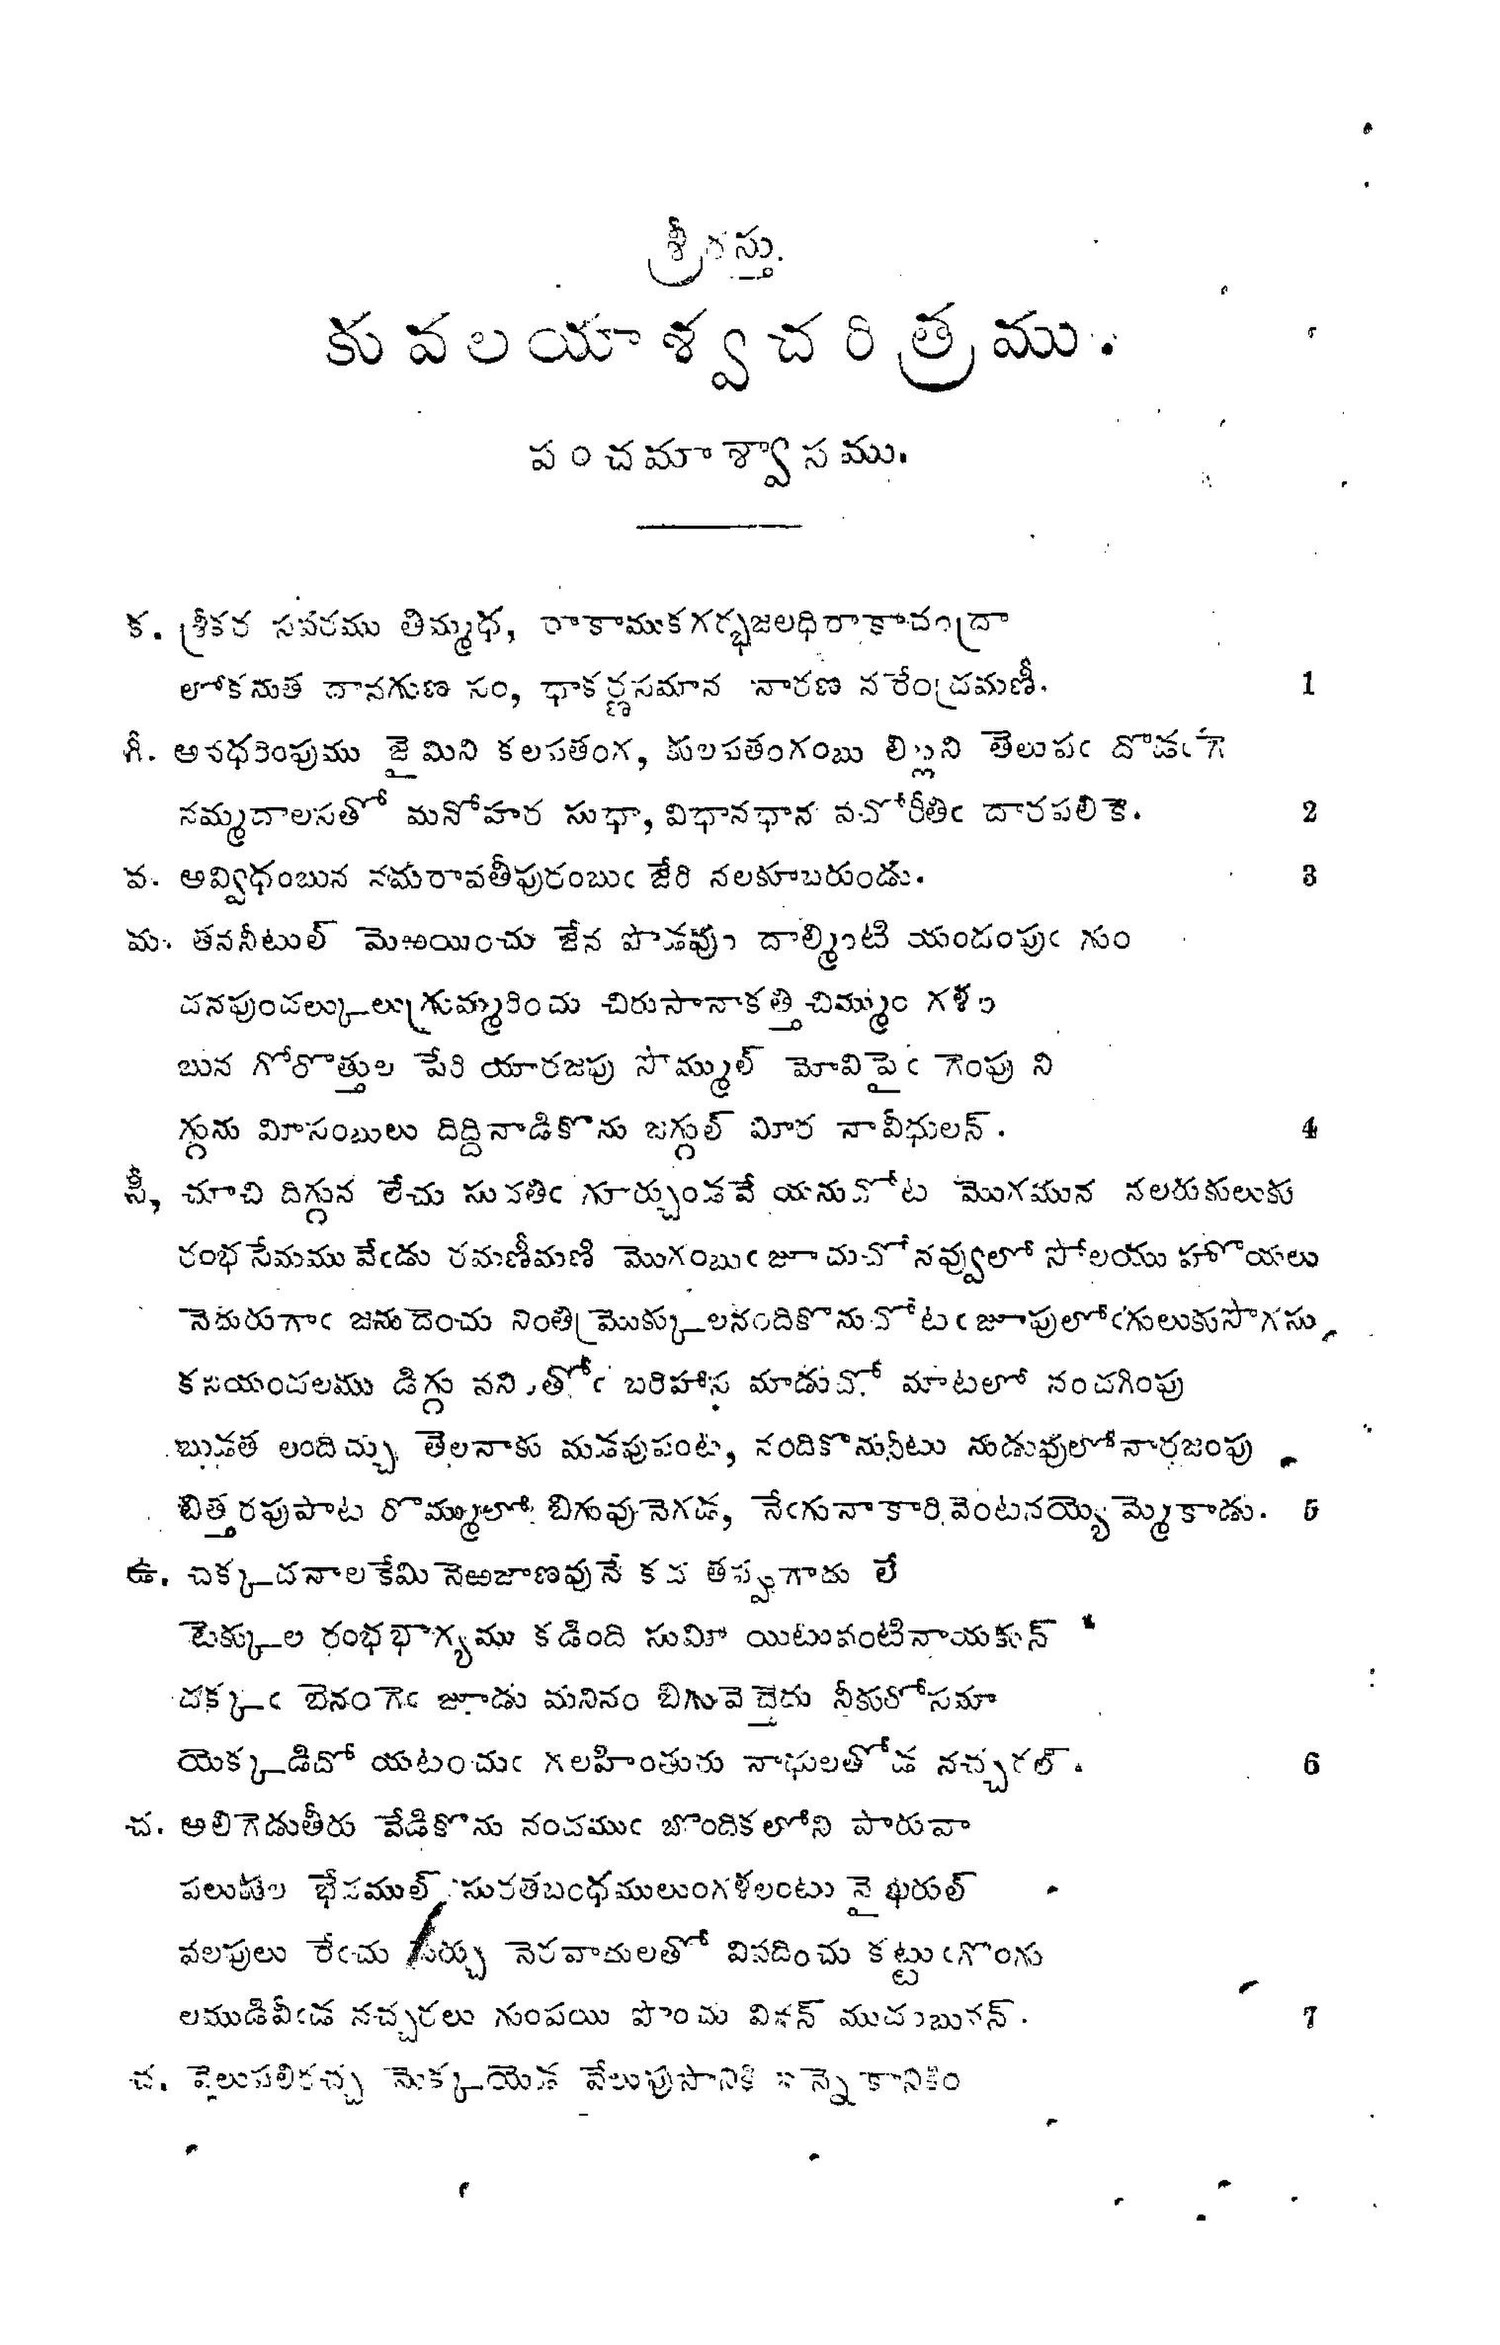కువలయాశ్వచరిత్రము
పంచమాశ్వాసము
క. శ్రీకర సవరము తిమ్మధ, రాముకగర్భజలధిరాకాచంద్రా
లోకనుతగానగుణసం, ధాకర్ణసమాన నారణ నరేంద్రమణీ.
గీ. అవధరింపుము జైమిని కలపతంగ, కులపతంగంబు లిట్లని తెలుపఁదొడఁగె
నమ్మదాలసతో మనోహరసుధా, విధానధానవచోరీతిఁ దారపలికె.
వ. అవ్విధంబున నమరావతీపురంబుఁ జేరి నలకూబరుండు.

మ. తననీటుల్ మెఱయించు జేన పొడవుం దాల్మింటి యందంపుఁ గుం
దనపుందల్కులు గ్రుమ్మరించు చిరుసానాకత్తి చిమ్ముం గళం
బున గోరొత్తుల పేరి యారజుపు సొమ్ముల్ మోవి పైఁ గెంపు ని
గ్గును మీసంబులు దిద్దినాడికొను జగ్గుల్ మీర నావీథులన్.
సీ. చూచి దిగ్గున లేచు సుదతిఁ గూర్చుండవే యనుచోట మొగమున నలరు కులుకు
రంభసేమము వేఁడు రమణీమణి మొగంబుఁ జూచుచో నవ్వులో సొలయు హొయలు
నెదురుగాఁ జనుదెంచు నింతి మ్రొక్కుల నందికొనుచోటఁ జూపులోఁ గులుకు సొగసు,
కని యందలము డిగ్గు వనితతోఁ బరిహాస మాడుచో మాటలో నందగింపు
బుడత లందిచ్చు తెలనాకు మడపుపంట, నందికొనునీటు నుడువులో నారజంపు
బిత్తరపుపాట రొమ్ములో బిగువు నెగడ, నేఁగు నాకారివెంట నయ్యెమ్మెకాడు.
ఉ. చక్కదనాల కేమి నెఱజాణవు నే కద తప్పుగాదు లే
టెక్కుల రంభభాగ్యము కడింది సుమీ యిటువంటినాయకున్
దక్కఁ బెనంగెఁ జూడు మనినం బిగువెత్తెదు నీకు రోసమా
యెక్కడిదో యటంచుఁ గలహింతురు నాథులతోడ నచ్చరల్.
చ. అలిగెడుతీరు వేడికొను నందముఁ బొందికలోని పారువా
పలుకుల భేదముల్ సురతబంధములుం గళలంటు వైఖరుల్
వలపులు రేఁచు పేర్చు నెరవాదులతో వివదించు కట్టుఁగొంగు
లముడివీఁడ నచ్చరలు గుంపయి పొంచు వినన్ ముదంబునన్.
చ. వెలుపలిరచ్చ నొక్కయెడ వేలుపుసానికి వన్నెకానికిం